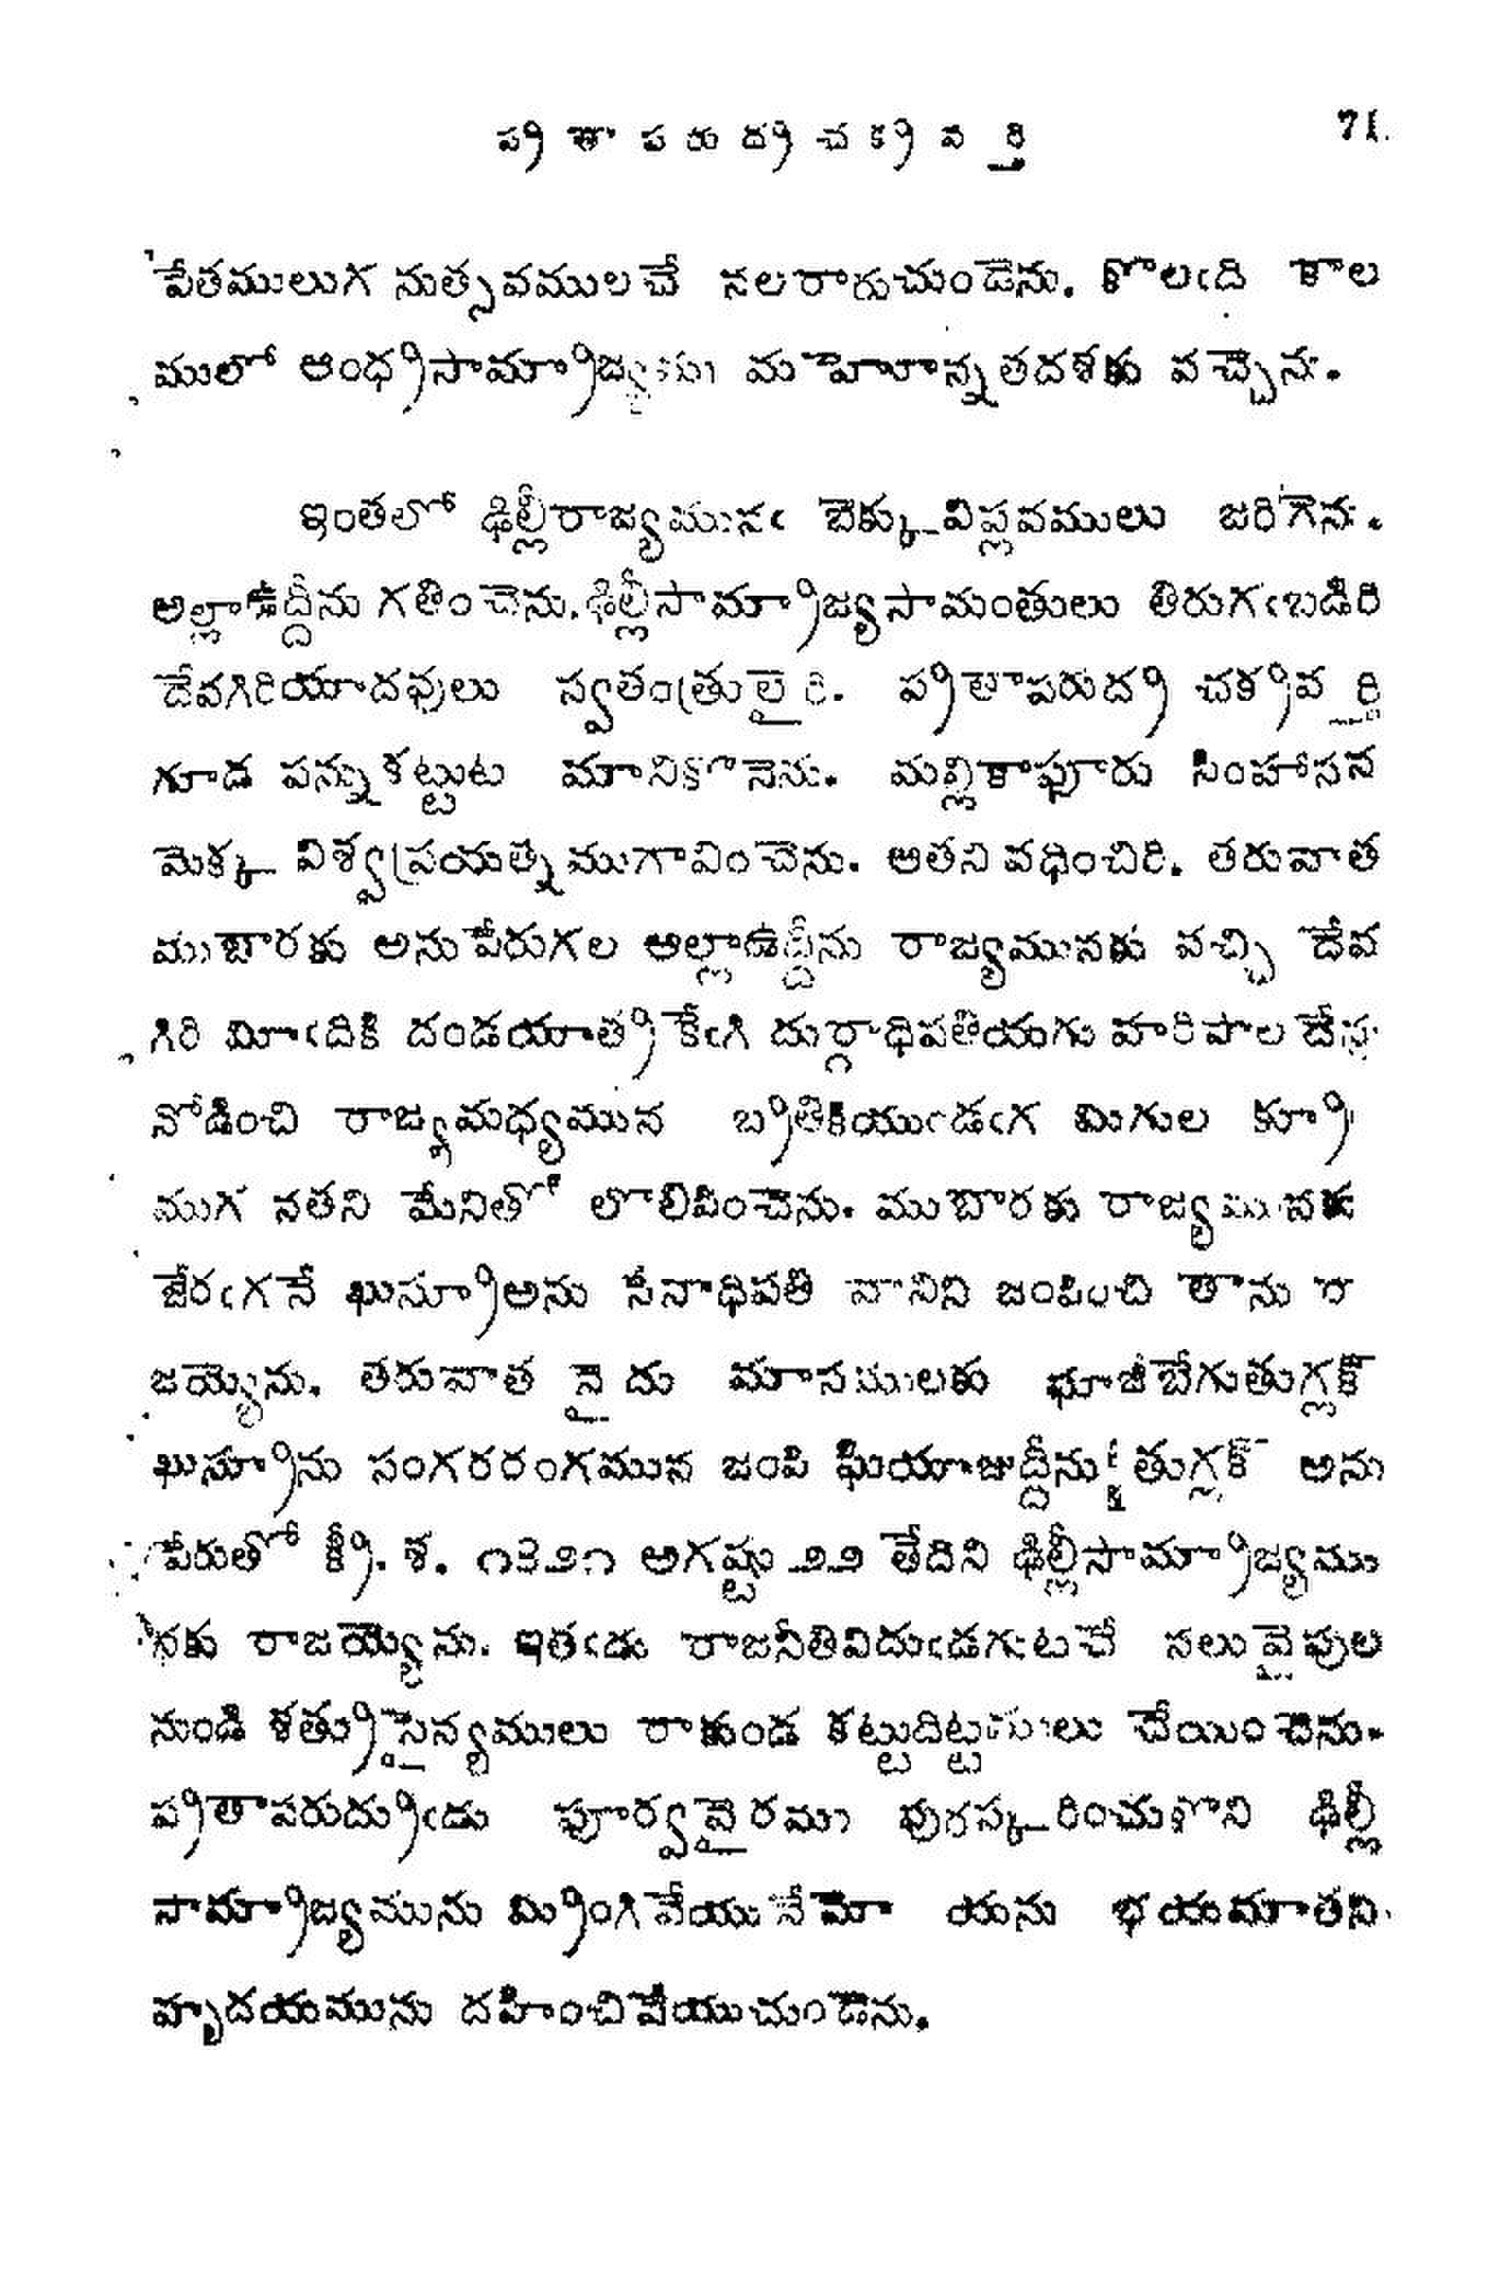పేతములుగ నుత్సవములచే నలరారుచుండెను. కొలది కాలములో ఆంధ్రసామ్రాజ్యము మహోన్నతదశకుకు వచ్చెను.

ఇంతలో డిల్లీరాజ్యమున బెక్కువిప్లవములు జరిగెను. అల్లాఉద్దీను గతించెను. డిల్లీసామ్రాజ్యసామంతులు తిరుగబడిరి. దేవగిరియాదవులు స్వతంత్రులైరి. ప్రతాపరుద్ర చక్రవర్తి గూడ పన్నుకట్టుట మానికొనెను. మల్లికాపూరు సింహాసన మెక్క విశ్వప్రయత్నముగావించెను. ఆతని వధించిరి. తరువాత ముబారకు అనుపేరుగల అల్లాఉద్దీను రాజ్యమునకు వచ్చి దేవగిరి మీదికి దండయాత్రకేగి దుర్గాధిపతియగు హరిపాల దేవుని నోడించి రాజ్యమధ్యమున బ్రతికియుండగ మిగులక్రూరముగ నతని మేనితో లొలిపించెను. ముబారకు రాజ్యమునకు జేరగనే ఖుస్రూఅను సేనాధిపతి వానిని జంపించి తాను రాజయ్యెను. తరువాత నైదు మాసములకు ఘాజీబేగుతుగ్లక్ ఖుస్రూను సంగరరంగమున జంపి ఘియాజుద్దీను తుగ్లక్ అనుపేరుతో క్రీ.శ. 1321 ఆగష్టు 22 తేదిని డిల్లీసామ్రాజ్యమునకు రాజయ్యెను. ఇతడు రాజనీతివిదుడగుటచే నలువైపుల నుండి శత్రుసైన్యములు రాకుండ కట్టుదిట్టములు చేయించెను. ప్రతాపరుద్రుడు పూర్వవైరము పురస్కరించుకొని డిల్లీ సామ్రాజ్యమును మ్రింగివేయునేమో యను భయమాతని హృదయమును దహించివేయుచుండెను.